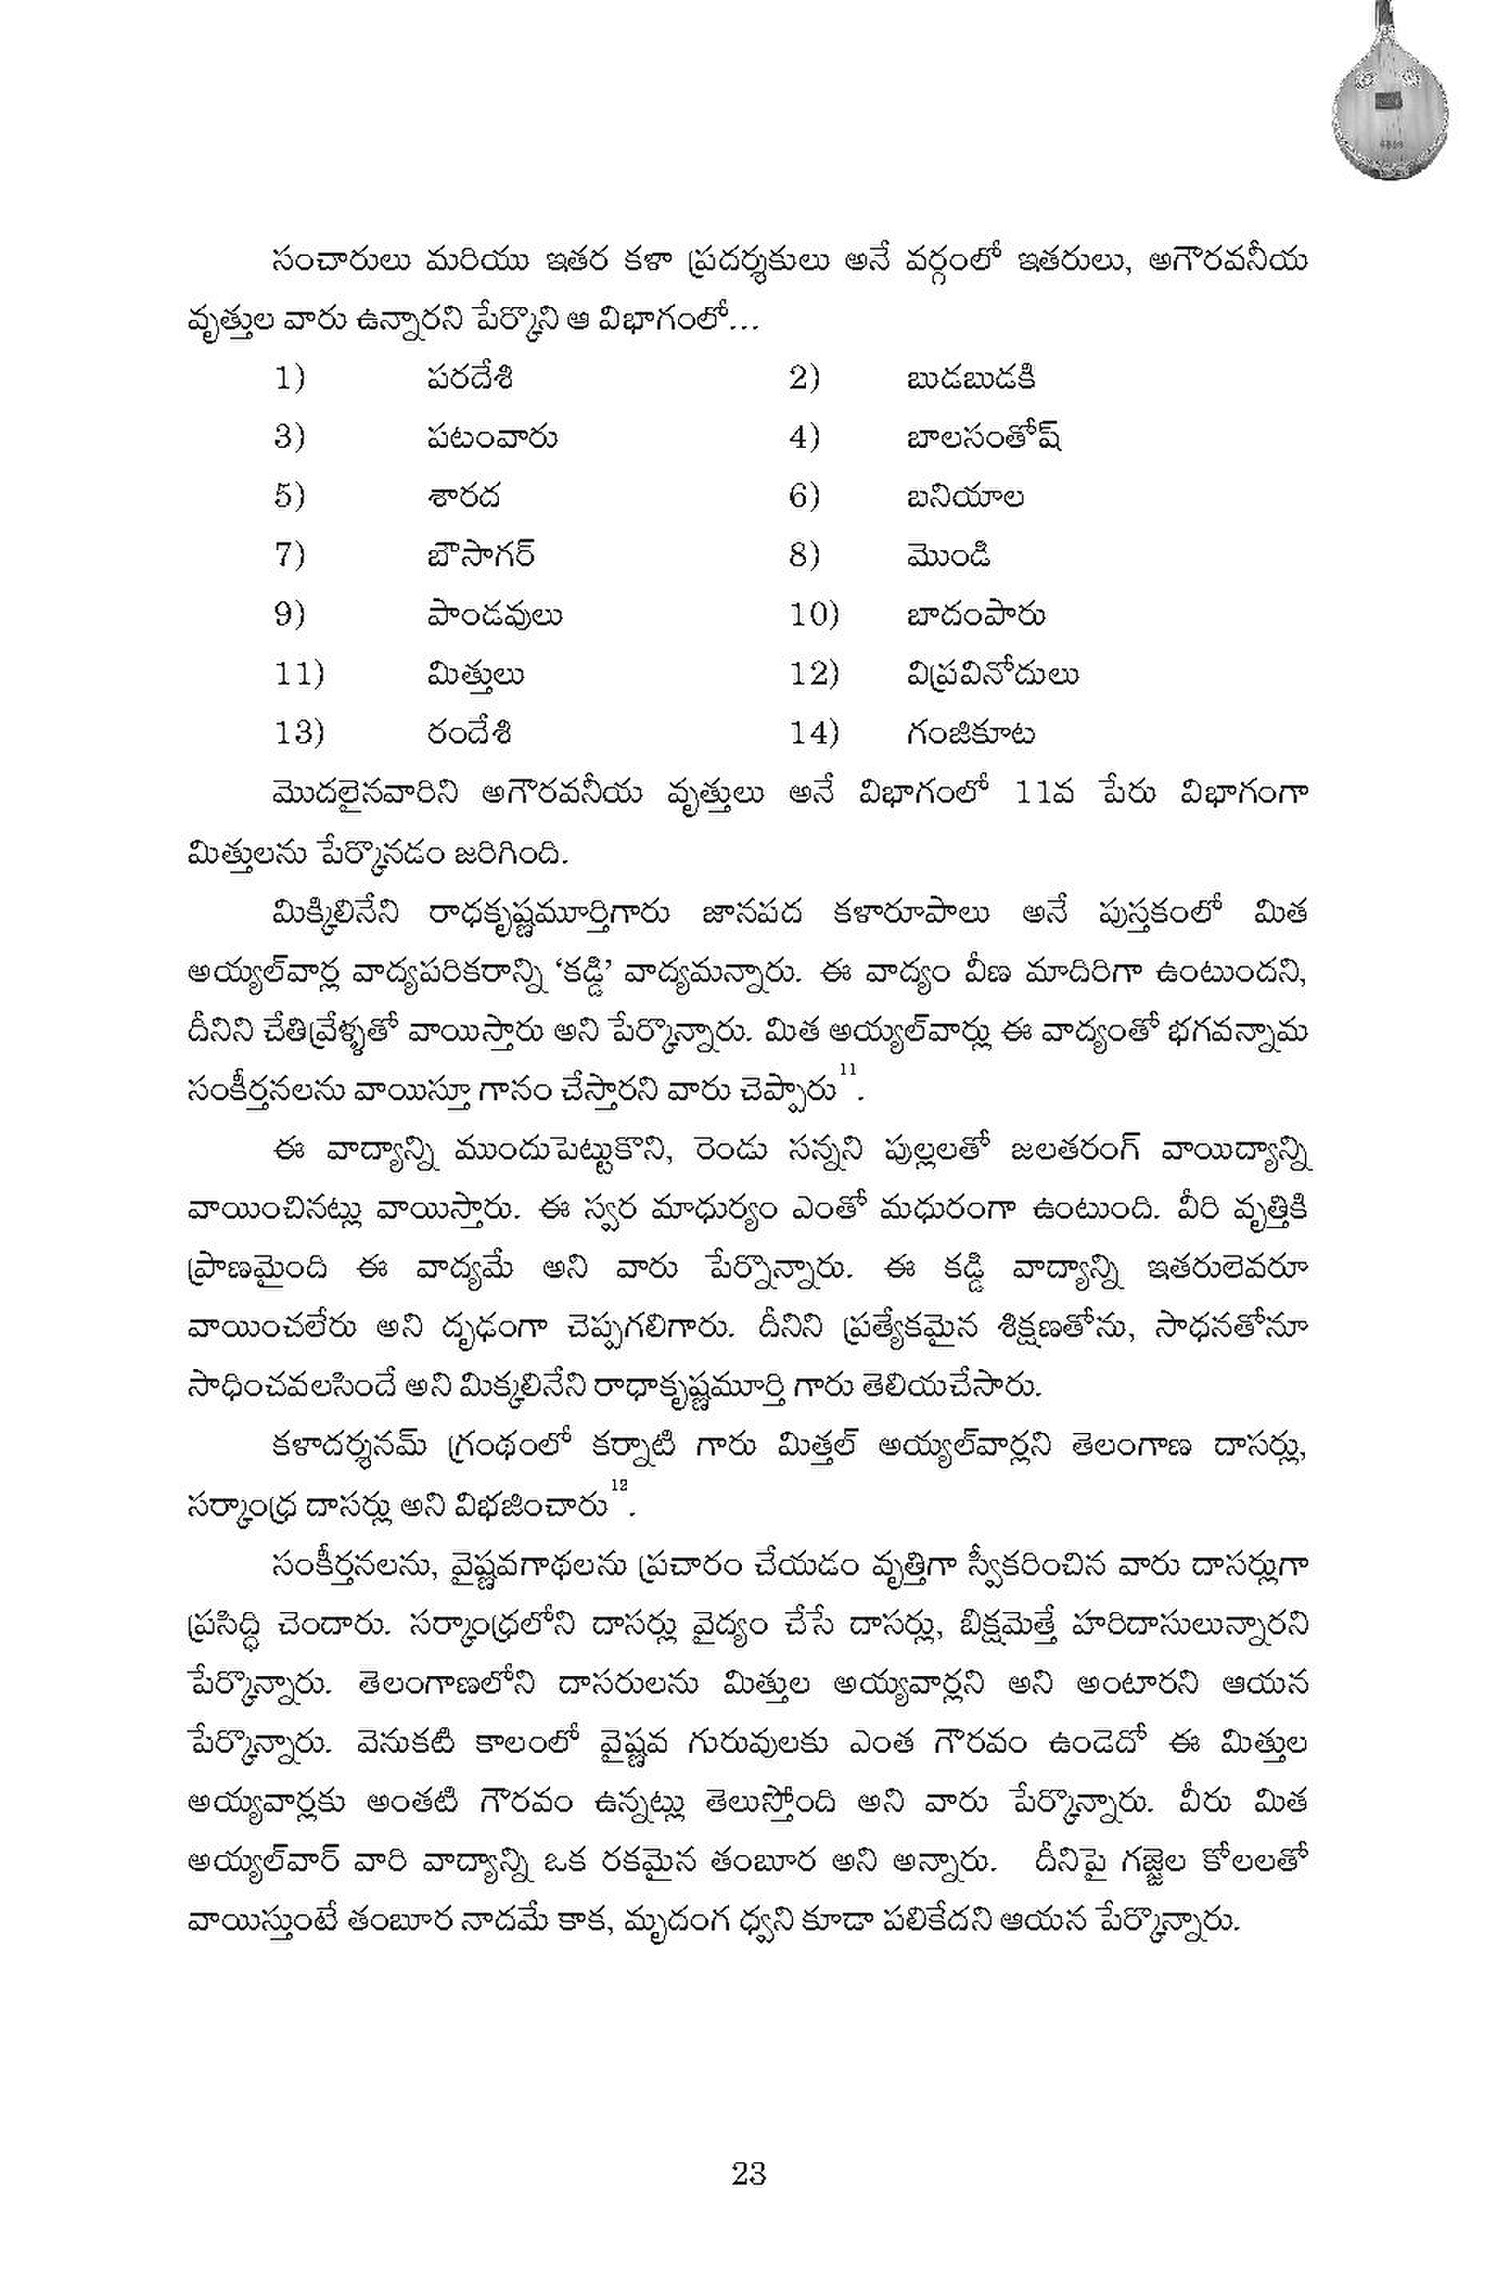సంచారులు మరియు ఇతర కళా ప్రదర్శకులు అనే వర్గంలో ఇతరులు, అగౌరవనీయ వృత్తుల వారు ఉన్నారని పేర్కొని ఆ విభాగంలో...

+ 1 పరదేశి 2 బుడబుడకి 3 పటంవారు 4 బాలసంతోష్ 5 శారద 6 బనియాల 7 బౌసాగర్ 8 మొండి 9 పాండవులు 10 బాదంపారు 11 మిత్తులు 12 విప్రవినోదులు 13 రందేశ 14 గంజికూట

మొదలైనవారిని అగౌరవనీయ వృత్తులు అనే విభాగంలో 11వ పేరు విభాగంగా మిత్తులను పేర్కొనడం జరిగింది.

మిక్కిలినేని రాధకృష్ణమూర్తిగారు జానపద కళారూపాలు అనే పుస్తకంలో మిత అయ్యల్వార్ల వాద్యపరికరాన్ని 'కడ్డి' వాద్యమన్నారు. ఈ వాద్యం వీణ మాదిరిగా ఉంటుందని, దీనిని చేతివ్రేళ్ళతో వాయిస్తారు అని పేర్కొన్నారు. మిత అయ్యల్వార్లు ఈ వాద్యంతో భగవన్నామ సంకీర్తనలను వాయిస్తూ గానం చేస్తారని వారు చెప్పారు".

ఈ వాద్యాన్ని ముందుపెట్టుకొని, రెండు సన్నని పుల్లలతో జలతరంగ్ వాయిద్యాన్ని వాయించినట్లు వాయిస్తారు. ఈ స్వర మాధుర్యం ఎంతో మధురంగా ఉంటుంది. వీరి వృత్తికి ప్రాణమైంది ఈ వాద్యమే అని వారు పేర్నొన్నారు. ఈ కడ్డి వాద్యాన్ని ఇతరులెవరూ వాయించలేరు అని దృఢంగా చెప్పగలిగారు. దీనిని ప్రత్యేకమైన శిక్షణతోను, సాధనతోనూ
సాధించవలసిందే అని మిక్కలినేని రాధాకృష్ణమూర్తి గారు తెలియచేసారు.

కళాదర్శనమ్ గ్రంథంలో కర్నాటి గారు మిత్తల్ అయ్యల్వార్లని తెలంగాణ దాసర్లు, సర్కాంధ్ర దాసర్లు అని విభజించారు".

సంకీర్తనలను, వైష్ణవగాథలను ప్రచారం చేయడం వృత్తిగా స్వీకరించిన వారు దాసర్లుగా ప్రసిద్ధి చెందారు. సర్కాంధ్రలోని దాసర్లు వైద్యం చేసే దాసర్లు, బిక్షమెత్తే హరిదాసులున్నారని పేర్కొన్నారు. తెలంగాణలోని దాసరులను మిత్తుల అయ్యవార్లని అని అంటారని ఆయన పేర్కొన్నారు. వెనుకటి కాలంలో వైష్ణవ గురువులకు ఎంత గౌరవం ఉండేదో ఈ మిత్తుల అయ్యవార్లకు అంతటి గౌరవం ఉన్నట్లు తెలుస్తోంది అని వారు పేర్కొన్నారు. వీరు మిత అయ్యల్వార్ వారి వాద్యాన్ని ఒక రకమైన తంబూర అని అన్నారు. దీనిపై గజ్జెల కోలలతో వాయిస్తుంటే తంబూర నాదమే కాక, మృదంగ ధ్వని కూడా పలికేదని ఆయన పేర్కొన్నారు.